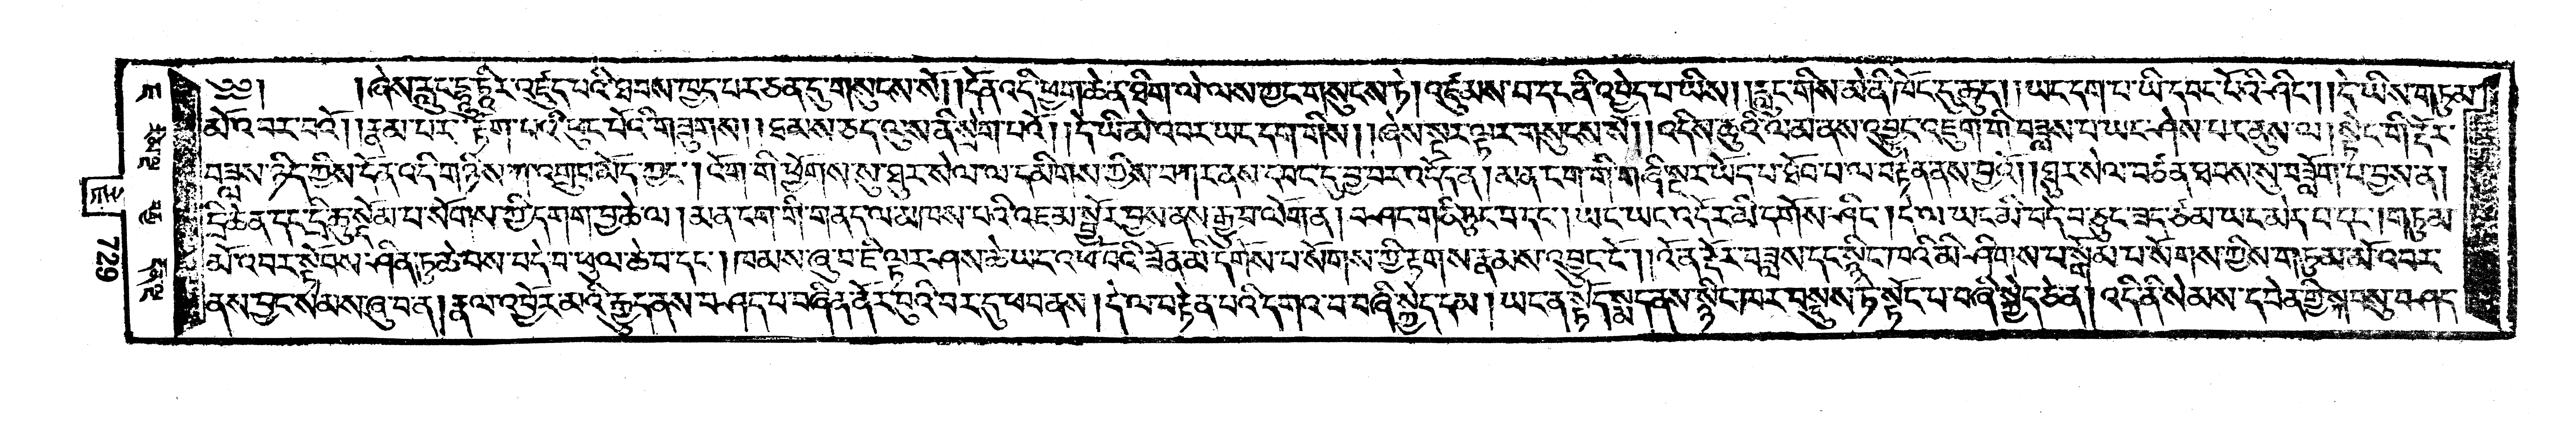༄༅། །ཞེས་རླུང་དྷཱུ་ཏཱིར་འཛུད་པའི་ཐབས་ཁྱད་པར་ཅན་དུ་གསུངས་སོ། །དོན་འདི་ཕྱག་ཆེན་ཐིག་ལེ་ལས་ཀྱང་གསུངས་ཏེ། འཛུམས་པ་དང་ནི་འབྱེད་པ་ཡིས། །རླུང་གིས་མེ་ནི་ཁོང་དུ་ཆུད། །ཡང་དག་པ་ཡི་དབང་པོའི་ཤིང་། །དེ་ཡིས་གཏུམ་
མོ་འབར་བའོ། །རྣམ་པར་རྟོག་པའི་ཕུང་པོའི་གཟུགས། །ཐམས་ཅད་ལུས་ནི་སྲེག་པའོ། །དེ་ཡི་མེ་འབར་ཡང་དག་གིས། །ཞེས་སྔར་ལྟར་གསུངས་སོ། །འདིས་ཆུའི་ལམ་ནས་འབྱུང་འཇུག་གི་བཟླས་པ་ཡང་ཤེས་པར་ནུས་ལ། སྟེང་གི་རྡོར་
བཟླས་ཉིད་ཀྱིས་དོན་འདི་གཉིས་ཀ་འགྲུབ་མོད་ཀྱང་། འོག་གི་ཕྱོགས་སུ་ཐུར་སེལ་ལ་དམིགས་ཀྱིས་བཀར་ནས་དབང་དུ་བྱ་བར་འདོད་ན། མན་ངག་གི་གཞི་སྔར་ཡོད་པ་ཐོབ་པ་ལ་བརྟེན་ནས་བྱའོ། །ཐུར་སེལ་བཙན་ཐབས་སུ་བཟློག་པ་བྱས་ན།
དྲི་ཆེན་དང་དྲི་ཆུ་སྡོམ་པ་སོགས་ཀྱི་དགག་བྱ་ཆེ་ལ། མན་ངག་གི་གནད་ལ་མཁས་པའི་འཇམ་སྦྱོར་བྱས་ནས་རྒྱུ་བ་ལོག་ན། བཤད་གཅི་ཉུང་བ་དང་། ཡང་ཡང་འདོར་མི་དགོས་ཤིང་། དེ་ལ་ཡང་མི་བདེ་བ་ཅུང་ཟད་ཙམ་ཡང་མེད་པ་དང་། གཏུམ་
མེ་འབར་སྟོབས་ཤིན་ཏུ་ཆེ་བས་བདེ་བ་ཕུལ་ཆེ་བ་དང་། ཁམས་ཞུ་བ་ཇི་ལྟར་ཤས་ཆེ་ཡང་འཕོ་བའི་ཟོན་མི་དགོས་པ་སོགས་ཀྱི་རྟགས་རྣམས་འབྱུང་ངོ། །འོ་ན་རྡོར་བཟླས་དང་སྙིང་ཁའི་མི་ཤིགས་པ་སྒོམ་པ་སོགས་ཀྱིས་གཏུམ་མོ་འབར་
ནས་བྱང་སེམས་ཞུ་བ་ན། རྣལ་འབྱོར་མའི་རྒྱུད་ནས་བཤད་པ་བཞིན་ནོར་བུའི་བར་དུ་ཕབ་ནས། དེ་ལ་བརྟེན་པའི་དགའ་བ་བཞི་སྐྱེད་དམ། ཡང་ན་སྟོད་སྨད་ནས་སྙིང་ཁར་བསྡུས་ཏེ་སྟོང་པ་བཞི་སྐྱེད་ཅེ་ན། འདི་ནི་སེམས་དབེན་གྱི་སྐབས་སུ་བཤད་